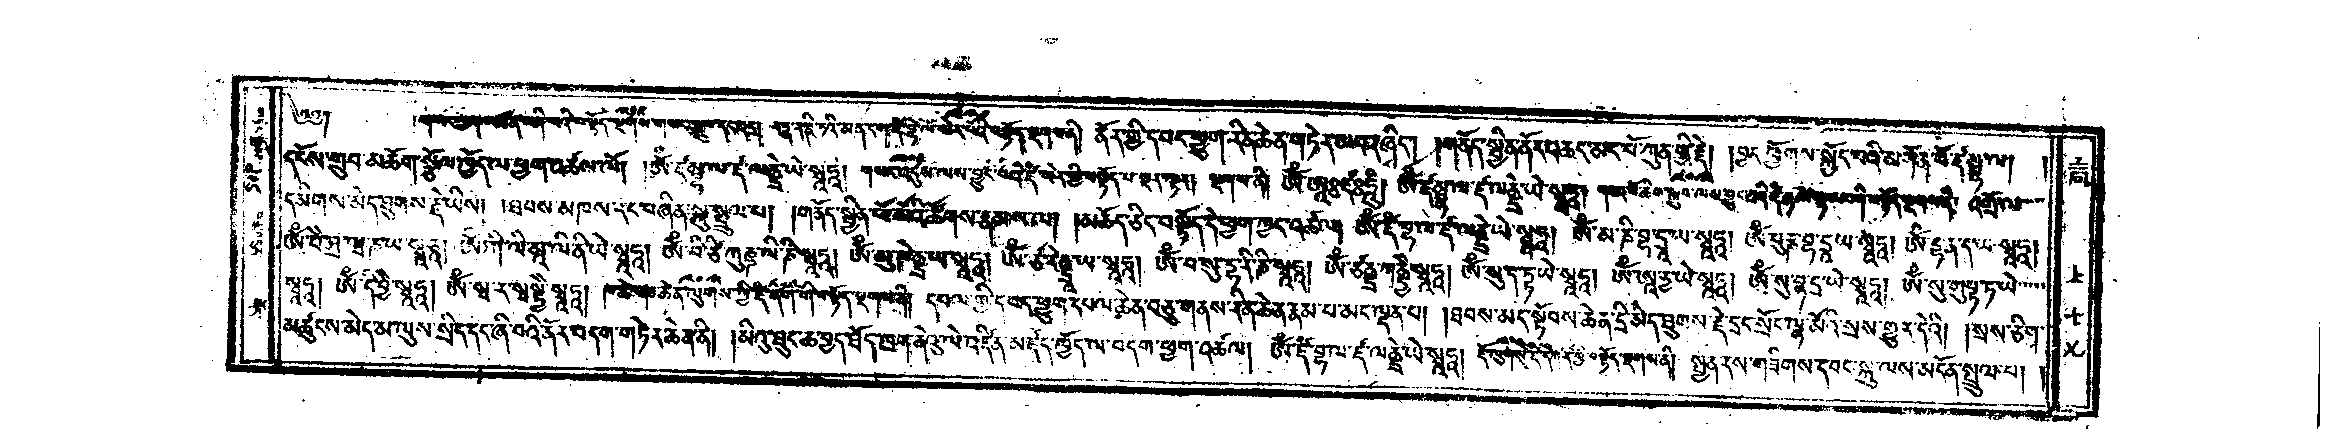༄༅། །གསང༢༠༨་ཕྱག་མཚན་བཞི་པའི་བསྟོད་སྔགས་གསང་སྒྲུབ་དང་འདྲ། རཏྣ་རཀྵི་ཏའི་མན་ངག་ཛཾ་བྷ་ལ༢༠༩་སེར་པོའི་བསྟོད་སྔགས་ནི། ནོར་གྱི་དབང་ཕྱུག་རིན་ཆེན་གཏེར་མངའ་ཞིང་། །གནོད་སྦྱིན་ནོར་འཆང་མང་པོ་ཀུན་གྱི་རྗེ། །བྱང་ཕྱོགས་སྐྱོང་བའི་མགོན་པོ་ཛམྦྷ་ལ། །
དངོས་གྲུབ་མཆོག་སྩོལ་ཁྱོད་ལ་ཕྱག་འཚལ་ལོ། །ཨོཾ་ཛམྦྷ་ལ་ཛ་ལནྡྲེ་ཡེ་སྭཱཧཱ། གསང་འདུས་ལས་བྱུང༢༡༠་བའི་ཛཾ་སེར་གྱི་བསྟོད་པ་སྔར་ལྟར། སྔགས་ནི། ཨོཾ་ཨཱཿཛཿཧཱུཾ། ཨོཾ་ཛམྦྷ་ལ་ཛ་ལནྡྲེ་ཡེ་སྭཱཧཱ། དཔའ་བོ་ཚིག་སྒྲུབ་ལས་བྱུང་བའི་ཛཾ་བྷ་ལ༢༡༡་ལྷ་མང་གི་བསྟོད་སྔགས་ནི། འགྲོ་ལ་
དམིགས་མེད་ཐུགས་རྗེ་ཡིས། །ཐབས་མཁས་རང་བཞིན་སྐུ་སྤྲུལ་པ། །གནོད་སྦྱིན་ཕོ་མོའི་ཚོགས་རྣམས་ལ། །མཆོད་ཅིང་བསྟོད་དེ་ཕྱག་ཀྱང་འཚལ། ཨོཾ་ཛཾ་བྷ་ལ་ཛ་ལནྡྲེ་ཡེ་སྭཱཧཱ། ཨོཾ་མ་ཎི་བྷ་དྲཱ་ཡ་སྭཱཧཱ། ཨོཾ་པུརྞ་བྷ་དྲཱ་ཡ་སྭཱཧཱ། ཨོཾ་དྷ་ན་ད་ཡ་སྭཱཧཱ།
ཨོཾ་བཻ་ཤྲ་ཝ་ཎ་ཡ་སྭཱཧཱ། ཨོཾ་ཀི་ལི་མཱ་ལི་ནི་ཡེ་སྭཱཧཱ། ཨོཾ་བི་ཙི་ཀུཎྜ་ལི་ཎི་སྭཱཧཱ། ཨོཾ་མུ་ཁེནྡྲ་ཡ་སྭཱཧཱ། ཨོཾ་ཙ་རེནྡྲཱ་ཡ་སྭཱཧཱ། ཨོཾ་བ་སུ་དྷ་རི་ཎི་སྭཱཧཱ། ཨོཾ་ཙནྡྲ་ཀནྡྱཻ་སྭཱཧཱ། ཨོཾ་སུ་ད་ཏྟ་ཡེ་སྭཱཧཱ། ཨོཾ་ཨཱ་རྱ་ཡེ་སྭཱཧཱ། ཨོཾ་སུ་བྷ་དྲ་ཡེ་སྭཱཧཱ། ཨོཾ་སུ་གུཔྟ་ཏ་ཡེ་
སྭཱཧཱ། ཨོཾ་དི་བྱཻ་སྭཱཧཱ། ཨོཾ་སྭ་ར་སྭསྟྱཻ་སྭཱཧཱ། ཁ་ཆེ་པཎ་ཆེན་ལུགས་ཀྱི་ཛཾ་ནག༢༡༢་གི་བསྟོད་སྔགས་ནི། དཔལ་གྱི་དབང་ཕྱུག་དཔལ་ཆེན་བཅུ་གནས་རིན་ཆེན་རྣམ་པ་མང་ལྡན་པ། །ཐབས་མང་སྟོབས་ཆེན་དྲི་མེད་ཐུགས་རྗེ་དྲང་སྲོང་ལྷ་མོའི་སྲས་གྱུར་དེའི། །སྲས་ཅིག་
མཚུངས་མེད་མ་ལུས་སྲིད་དང་ཞི་བའི་ནོར་བདག་གཏེར་ཆེན་ནི། །མིའུ་ཐུང་ཆ་བྱད་ཐོད་ཁྲག་ནེའུ་ལེ་འཛིན་མཛད་ཁྱོད་ལ་བདག་ཕྱག་འཚལ། ཨོཾ་ཛཾ་བྷ་ལ་ཛ་ལནྡྲེ་ཡེ་སྭཱཧཱ། ཇོ་ལུགས་ཛཾ་དཀར༢༡༣་གྱི་བསྟོད་སྔགས་ནི། སྤྱན་རས་གཟིགས་དབང་སྐུ་ལས་མངོན་སྤྲུལ་པ། །